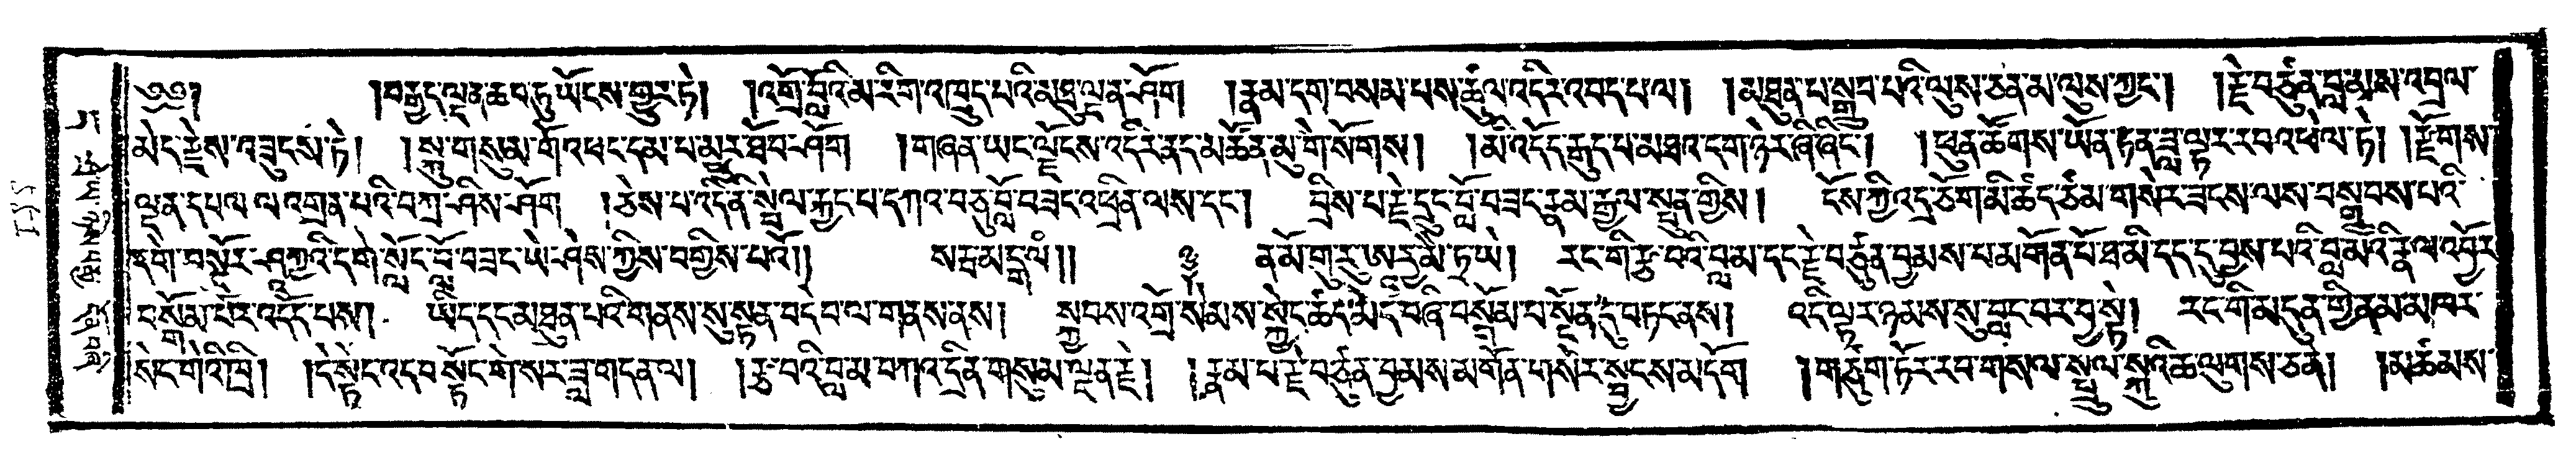༄༅། །བརྒྱད་ལྡན་ཆབ་ཏུ་ཡོངས་གྱུར་ཏེ། །འགྲོ་བློའི་མ་རིག་འཁྲུད་པའི་མཐུ་ལྡན་ཤོག །རྣམ་དག་བསམ་པས་ཚུལ་འདིར་འབད་པ་ལ། །མཐུན་པ་སྒྲུབ་པའི་ལུས་ཅན་མ་ལུས་ཀྱང་། །རྗེ་བཙུན་བླ་མས་འབྲལ་
མེད་རྗེས་བཟུངས་ཏེ། །སྐུ་གསུམ་གོ་འཕང་དམ་པ་མྱུར་ཐོབ་ཤོག །གཞན་ཡང་ལྗོངས་འདིར་ནད་མཚོན་མུ་གེ་སོགས། །མི་འདོད་རྒུད་པ་མཐའ་དག་ཉེར་ཞི་ཞིང་། །ཕུན་ཚོགས་ཡོན་ཏན་ཟླ་ལྟར་རབ་འཕེལ་ཏེ། །རྫོགས་
ལྡན་དཔལ་ལ་འགྲན་པའི་བཀྲ་ཤིས་ཤོག །ཅེས་པ་འདི་ནི་སྤེལ་རྐྱང་པ་དཀའ་བཅུ་བློ་བཟང་འཕྲིན་ལས་དང་། བྲིས་པ་རྗེ་དྲུང་བློ་བཟང་རྣམ་རྒྱལ་སྤུན་གྱིས། ངོས་ཀྱི་འདྲ་ཅོག་མི་ཚད་ཙམ་གསེར་ཟངས་ལས་བསྒྲུབས་པའི་
དགེ་བསྔོར་ཤཱཀྱའི་དགེ་སློང་བློ་བཟང་ཡེ་ཤེས་ཀྱིས་བགྱིས་པའོ།། སརྦ་མངྒ་ལཾ།། ༈ ན་མོ་གུ་རུ་ཨཱརྱ་མཻ་ཏྲ་ཡེ། རང་གི་རྩ་བའི་བླ་མ་དང་རྗེ་བཙུན་བྱམས་པ་མགོན་པོ་ཐ་མི་དད་དུ་བྱས་པའི་བླ་མའི་རྣལ་འབྱོར་
བསྒོམ་པོར་འདོད་པས། ཡིད་དང་མཐུན་པའི་གནས་སུ་སྟན་བདེ་བ་ལ་གནས་ནས། སྐྱབས་འགྲོ་སེམས་སྐྱེད་ཚད་མེད་བཞི་བསྒོམ་པ་སྔོན་དུ་བཏང་ནས། འདི་ལྟར་ཉམས་སུ་བླང་བར་བྱ་སྟེ། རང་གི་མདུན་གྱི་ནམ་མཁར་
སེང་གེའི་ཁྲི། །དེ་སྟེང་འདབ་སྟོང་གེ་སར་ཟླ་གདན་ལ། །རྩ་བའི་བླ་མ་བཀའ་དྲིན་གསུམ་ལྡན་རྗེ། །རྣམ་པ་རྗེ་བཙུན་བྱམས་མགོན་གསེར་སྦྱངས་མདོག །གཙུག་ཏོར་རབ་གསལ་སྤྲུལ་སྐུའི་ཆ་ལུགས་ཅན། །མཚམས་